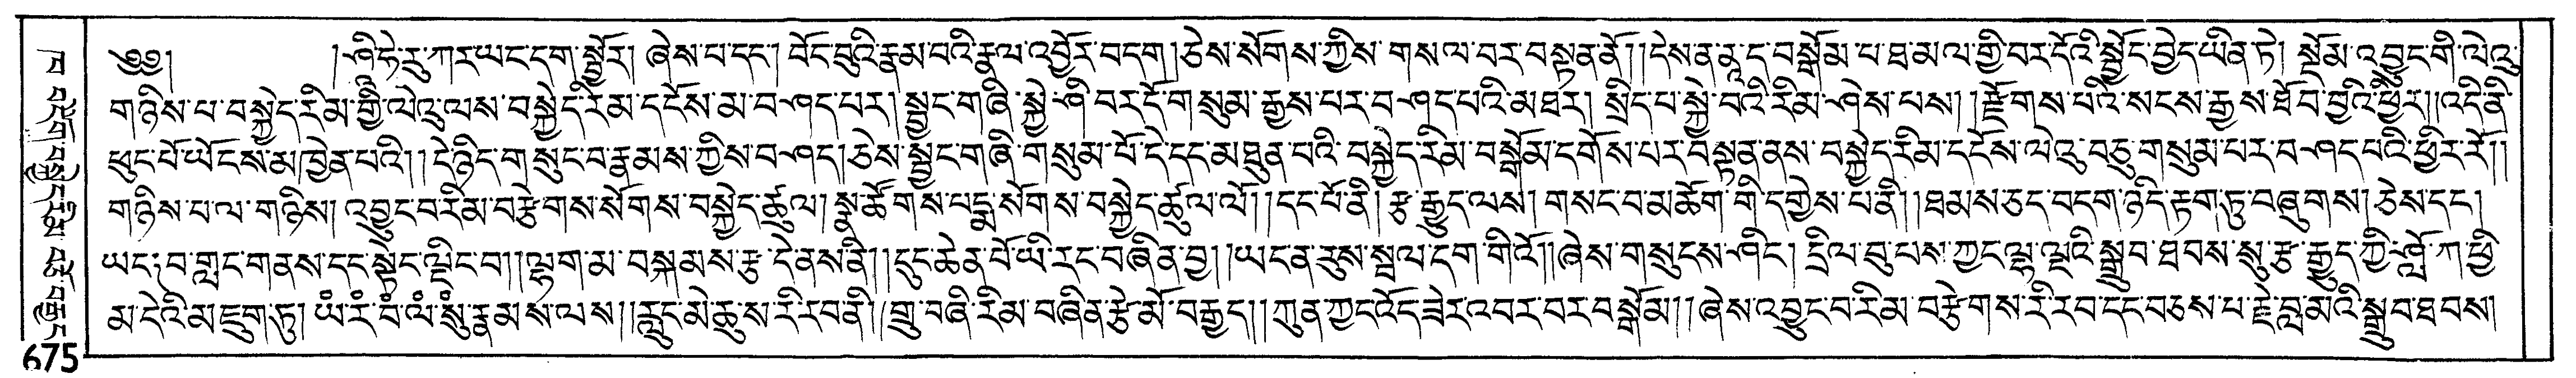༄༅། །ཤཱི་ཧེ་རུ་ཀར་ཡང་དག་སྦྱོར། ཞེས་པ་དང་། བོང་བུའི་རྣམ་པའི་རྣལ་འབྱོར་བདག །ཅེས་སོགས་ཀྱིས་གསལ་བར་བསྟན་ནོ། །དེས་ན་ནཱ་ད་བསྒོམ་པ་ཐ་མལ་གྱི་བར་དོའི་སྦྱོང་བྱེད་ཡིན་ཏེ། སྡོམ་འབྱུང་གི་ལེའུ་
གཉིས་པ་བསྐྱེད་རིམ་གྱི་ལེའུ་ལས་བསྐྱེད་རིམ་དངོས་མ་བཤད་པར། སྦྱང་གཞི་སྐྱེ་ཤི་བར་དོ་གསུམ་རྒྱས་པར་བཤད་པའི་མཐར། སྲིད་པ་སྐྱེ་བའི་རིམ་ཤེས་པས། །རྫོགས་པའི་སངས་རྒྱས་ཐོབ་བྱའི་ཕྱིར། །འདི་ནི་
ཕུང་པོ་ཡོངས་མཁྱེན་པའི། །དེ་ཉིད་གསུང་བ་རྣམས་ཀྱིས་བཤད། ཅེས་སྦྱང་གཞི་གསུམ་པོ་དེ་དང་མཐུན་པའི་བསྐྱེད་རིམ་བསྒོམ་དགོས་པར་བསྟན་ནས་བསྐྱེད་རིམ་དངོས་ལེའུ་བཅུ་གསུམ་པར་བཤད་པའི་ཕྱིར་རོ། །
གཉིས་པ་ལ་གཉིས། འབྱུང་བ་རིམ་བརྩེགས་སོགས་བསྐྱེད་ཚུལ། སྣ་ཚོགས་པདམ་སོགས་བསྐྱེད་ཚུལ་ལོ། །དང་པོ་ནི། རྩ་རྒྱུད་ལས། གསང་བ་མཆོག་གི་དགྱེས་པ་ནི། །ཐམས་ཅད་བདག་ཉིད་རྟག་ཏུ་བཞུགས། ཅེས་དང་།
ཡང༑ བ་གླང་གནས་དང་སྟེང་ལྡིང་བ། །ལྷག་མ་བསྐམས་རྩ་དེ་ནས་ནི། །དུང་ཆེན་པོ་ཡི་རང་བཞིན་བྱ། །ཡང་ན་རུས་སྦལ་དག་གིའོ། །ཞེས་གསུངས་ཤིང་། དྲིལ་བུ་པས་ཀྱང་ལྷ་ལྔའི་སྒྲུབ་ཐབས་སུ་རྩ་རྒྱུད་ཀྱི་ཤློ་ཀ་ཕྱི་
མ་དེའི་མཇུག་ཏུ། ཡཾ་རཾ་བཾ་ལཾ་སུཾ་རྣམས་ལས། །རླུང་མེ་ཆུ་ས་རི་རབ་ནི། །གྲུ་བཞི་རིམ་བཞིན་རྩེ་མོ་བརྒྱད། །ཀུན་ཀྱང་འོད་ཟེར་འབར་བར་བསྒོམ། །ཞེས་འབྱུང་བ་རིམ་བརྩེགས་རི་རབ་དང་བཅས་པ་རྗེ་བླ་མའི་སྒྲུབ་ཐབས།